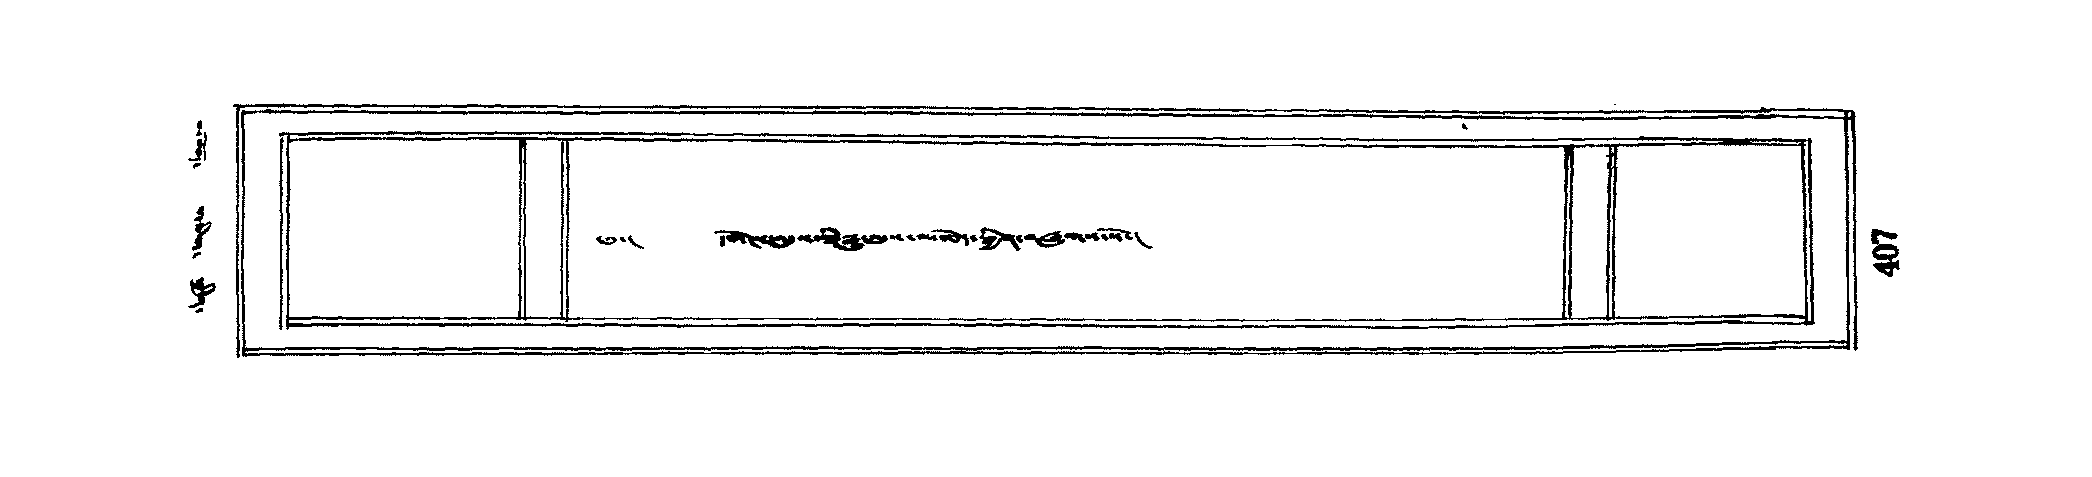༄༅། དགོངས་འདུས་ཀྱི་སྒྱུ་ལུས་མཆོད་སྦྱིན་བཞུགས་སོ།